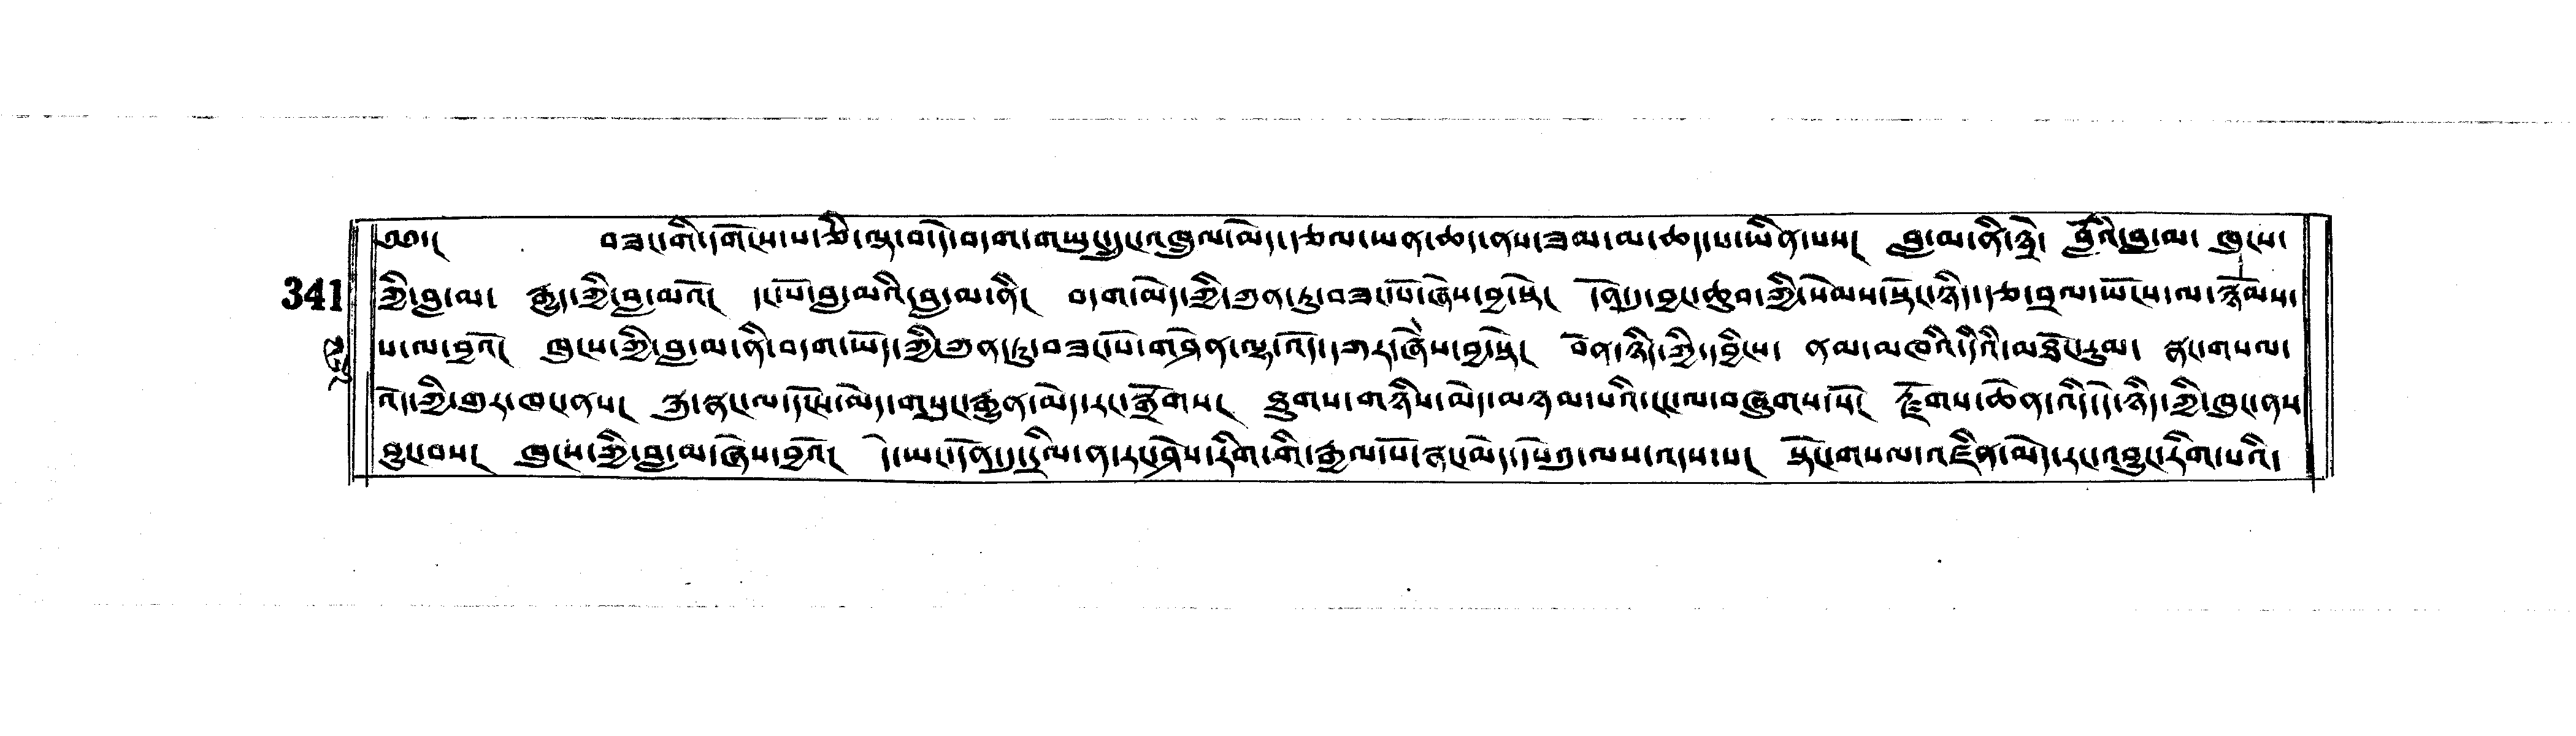བཟང་གི་དགོངས་པ་ཅི་ལྟ་བ་དེ་བདག་གཡུང་དྲུང་འཁྲུལ་མེད་རྩལ་ཡན་ཆད་ནས་ཟམ་མ་ཆད་པ་ཡིན་པས། བླ་མ་ནི་གསུམ་སྟེ། བླ་མའི་བླ་མ། ཁུངས་
ཀྱི་བླ་མ། རྒྱུད་པའི་བླ་མའོ། དང་པོ་བླ་མའི་བླ་མ་ནི། བདག་མེད་ཀྱི་ཀུན་ཏུ་བཟང་པོ་ཞེས་བྱ་སྟེ། དོན་དུ་བྱང་ཆུབ་ཀྱི་སེམས་སྟོང་ཉིད་རྩ་བྲལ་ཡོངས་ལ་སྙོམས་
པ་ལ་བྱའོ། ཁུངས་ཀྱི་བླ་མ་ནི་བདག་ཡོད་ཀྱི་ཀུན་ཏུ་བཟང་པོ་གཤེན་ལྷ་འོད་དཀར་ཞེས་བྱ་སྟེ། བོན་ཉིད་ཀྱི་དབྱིངས་ནམ་མཁ་དིའི་མཐོང་རུམ། སྣང་གསལ་
འོད་ཀྱི་གུར་ཁང་ནས། སྐུ་སྣང་ལ་དངོས་མེད། གསུང་རྒྱུན་མེད་རང་སྒྲོགས། ཐུགས་གཉིས་མེད་མཉམ་པའི་ངང་ལ་བཞུགས་སོ། རྫོགས་ཆེན་འདི་དེ་ཉིད་ཀྱི་ཁུངས་ནས་
བྱུང་བས། ཁུངས་ཀྱི་བླ་མ་ཞེས་བྱའོ། དེ་ཡང་དོན་དུ་དྲིལ་ན་རང་ཤེས་རིག་གི་རྒྱལ་པོ་སྣང་མེད་དཔེ་ལས་འདས་པ། སྟོང་གསལ་འཛིན་མེད་རང་འབྱུང་རིག་པའི་